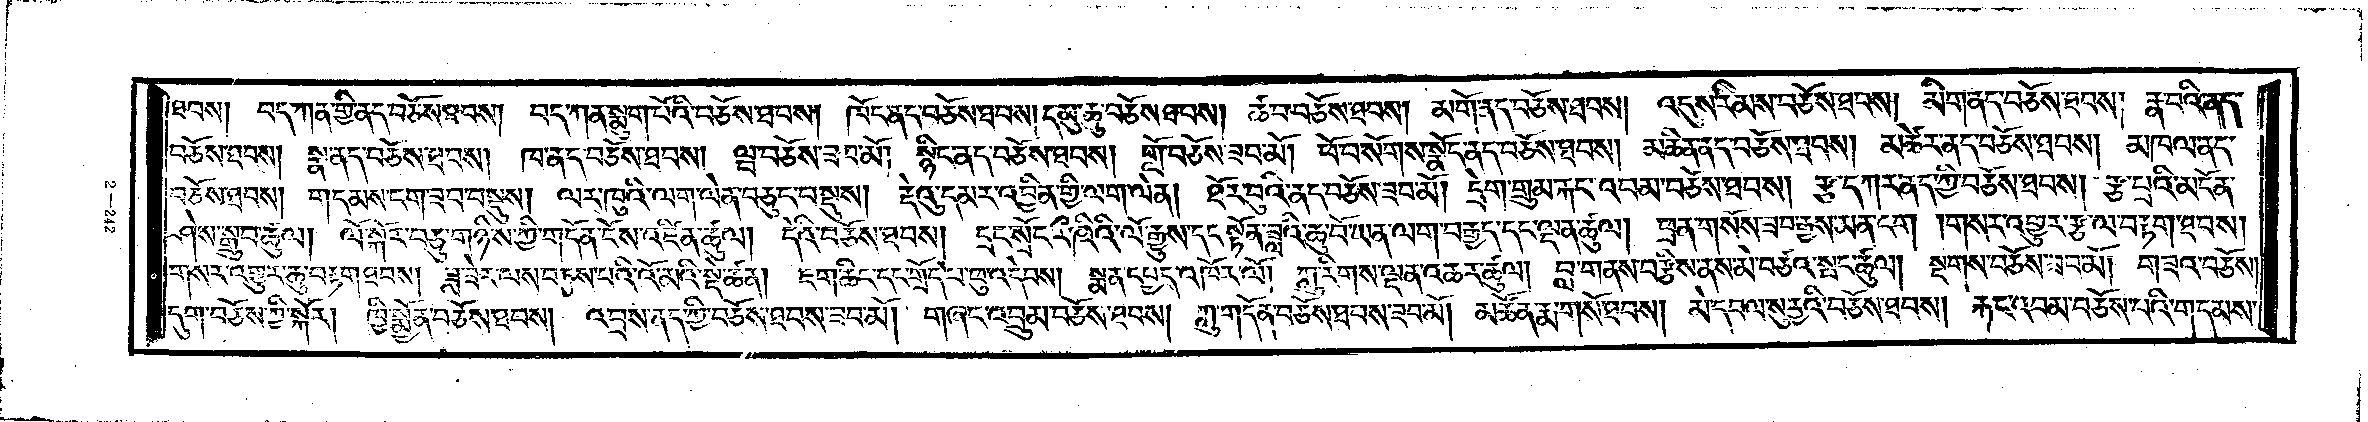ཐབས། བད་ཀན་གྱི་ནད་བཅོས་ཐབས། པད་ཀན་སྨུག་པོའི་བཅོས་ཐབས། ཁོང་ནད་བཅོས་ཐབས། ད་མུ་ཆུ་བཅོས་ཐབས། ཚབ་བཅོས་ཐབས། མགོ་ནད་བཅོས་ཐབས། འདུས་རིམས་བཅོས་ཐབས། མིག་ནད་བཅོས་ཐབས། རྣ་བའི་ནད་
བཅོས་ཐབས། སྣ་ནད་བཅོས་ཐབས། ཁ་ནད་བཅོས་ཐབས། ཝ་བཅོས་ཟབ་མོ། སྙིང་ནད་བཅོས་ཐབས། གློ་བཅོས་ཟབ་མོ། ཕོ་བ་སོགས་སྣོད་ནད་བཅོས་ཐབས། མཆིན་ནད་བཅོས་ཐབས། མཚེར་ནད་བཅོས་ཐབས། མཁལ་ནད་
བཅོས་ཐབས། གདམས་ངག་ཟབ་བསྡུས། ལར་ཁུའི་ལག་ལེན་བཅུང་བསྡུས། རྡེའུ་དམར་འབྱིན་གྱི་ལག་ལེན། ཐོར་བུའི་ནད་བཅོས་ཟབ་མོ། དྲེག་གྲུམ་རྐང་འབམ་བཅོས་ཐབས། རྩ་དཀར་ནད་ཀྱི་བཅོས་ཐབས། རྩ་པྲའི་མངོན་
ཤེས་སྒྲུབ་ཚུལ། ལོ་སྐོར་བཅུ་གཉིས་ཀྱི་གདོན་ངོས་འཛིན་ཚུལ། དེའི་བཅོས་ཐབས། དྲང་སྲོང་རྀ་ཥྲིའི་ལོ་རྒྱུས་དང་སྟོན་ཟླའི་ཆུ་བོ་ཡན་ལག་བརྒྱད་དང་ལྡན་ཚུལ། ཕྲན་གསོས་ཟབ་རྒྱས་མན་ངག །གསར་འགྱུར་རྩལ་བརྟག་ཐབས།
གསར་འགྱུར་ཆུ་བརྟག་ཐབས། ཟླ་ཟེར་ལས་བཏུས་པའི་འོ་མའི་སྡེ་ཚན། ཇག་ཆིང་དང་གྲོད་པ་ཕུ་འདེབས། སྨན་དཔྱད་འཁོར་ལོ། ཀླུ་རིགས་ལྡན་འཆར་ཚུལ། བླ་གནས་བརྩིས་ནས་མེ་བཙའ་སྤང་ཚུལ། སྔགས་བཅོས་ཟབ་མོ། གཟའ་བཅོས།
དུག་བཅོས་ཀྱི་སྐོར། ཁྱི་སྨྱོན་བཅོས་ཐབས། འབྲས་ནད་ཀྱི་བཅོས་ཐབས་ཟབ་མོ། གཞང་འབྲུམ་བཅོས་ཐབས། ཀླུ་གདོན་བཅོས་ཐབས་ཟབ་མོ། མཚོན་རྨ་གསོ་ཐབས། མེ་དཔལ་སུརྱའི་བཅོས་ཐབས། རྐང་འབམ་བཅོས་པའི་གདམས་